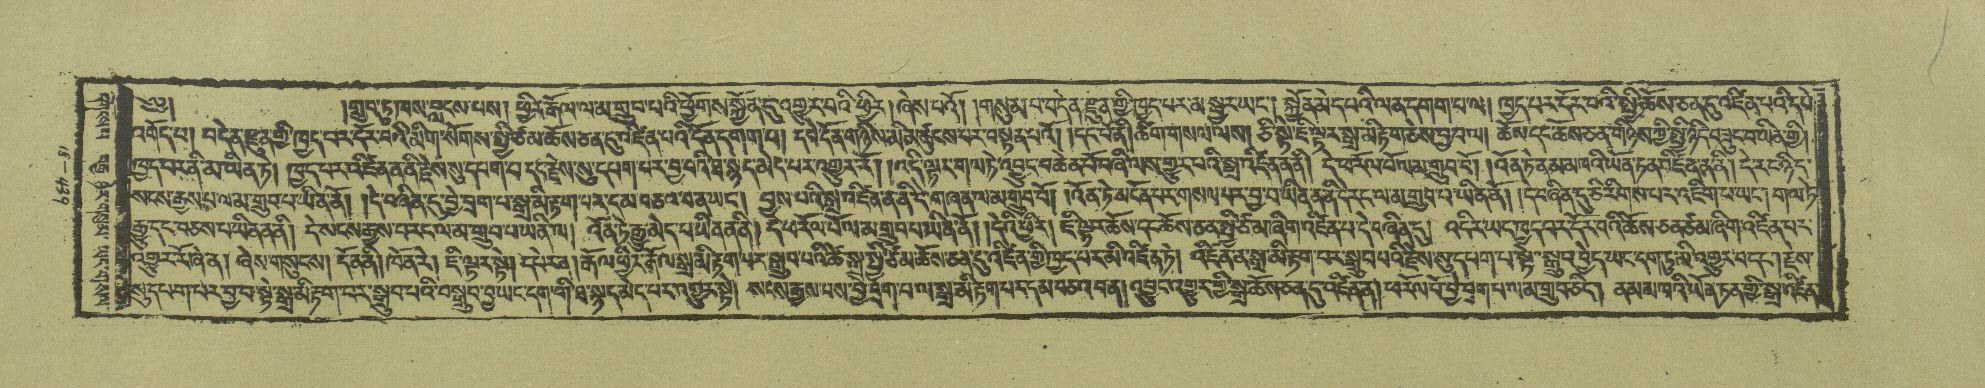༄༅། །གྲུབ་ཏུ་ཁས་བླངས་པས། ཕྱིར་རྒོལ་ལ་མ་གྲུབ་པའི་ཕྱོགས་སྐྱོན་དུ་འགྱུར་པའི་ཕྱིར། ཞེས་པའོ། །གསུམ་པ་བདེན་རྫུན་གྱི་ཁྱད་པར་མ་སྦྱར་ཡང་། སྐྱོན་མེད་པའི་ལན་དགག་པ་དང་། ཁྱད་པར་དོར་བའི་སྤྱི་ཆོས་ཅན་དུ་འཛིན་པའི་དགེ་
འགོད་པ། བདེན་རྫུན་གྱི་ཁྱད་པར་དོར་བའི་མིག་སོགས་སྤྱི་ཙམ་ཆོས་ཅན་དུ་འཛིན་པའི་དོན་དགག་པ། དཔེ་དོན་གཉིས་མི་མཚུངས་པར་བསྟན་པའོ། །དང་པོ་ནི། ཚིག་གསལ་ལས། ཅི་སྟེ་ཇི་ལྟར་སྒྲ་མི་རྟག་ཅེས་བྱ་བ་ལ། ཆོས་དང་ཆོས་ཅན་གཉིས་ཀྱི་སྤྱི་ཉིད་བཟུང་བ་ཡིན་གྱི།
ཁྱད་པར་ནི་མ་ཡིན་ཏེ། ཁྱད་པར་འཛིན་ན་ནི་རྗེས་སུ་དཔག་པ་དང་རྗེས་སུ་དཔག་པར་བྱ་བའི་ཐ་སྙད་མེད་པར་འགྱུར་རོ། །འདི་ལྟར་གལ་ཏེ་འབྱུང་བ་ཆེན་པོ་བཞི་ལས་གྱུར་པའི་སྒྲ་འཛིན་ན་ནི། དེ་ཕ་རོལ་པོ་ལམ་གྲུབ་བོ། །འོན་ཏེ་ནམ་མཁའི་ཡོན་ཏན་འཛིན་ན་ནི། དེ་རང་ཉིད་
སངས་རྒྱས་པ་ལ་མ་གྲུབ་པ་ཡིན་ནོ། །དེ་བཞིན་དུ་བྱེ་བྲག་པ་སྒྲ་མི་རྟག་པར་དམ་བཅའ་བ་ན་ཡང་། བྱས་པའི་སྒྲ་འཛིན་ན་ནི་དེ་གཞན་ལ་མ་གྲུབ་བོ། །འོན་ཏེ་མངོན་པར་གསལ་བར་བྱ་བ་ཡིན་ན་ནི་དེ་རང་ལ་མ་གྲུབ་པ་ཡིན་ནོ། །དེ་བཞིན་དུ་ཅི་རིགས་པར་འཇིག་པ་ཡང་། གལ་ཏེ་
རྒྱུ་དང་བཅས་པ་ཡིན་ན་ནི། དེ་སངས་རྒྱས་པ་རང་ལ་མ་གྲུབ་པ་ཡིན་ལ། འོན་ཏེ་རྒྱུ་མེད་པ་ཡིན་ན་ནི། དེ་ཕ་རོལ་པོ་ལ་མ་གྲུབ་པ་ཡིན་ནོ། །དེའི་ཕྱིར། ཇི་ལྟར་ཆོས་དང་ཆོས་ཅན་སྤྱི་ཙམ་ཞིག་འཛིན་པ་དེ་བཞིན་དུ། འདིར་ཡང་ཁྱད་པར་དོར་བའི་ཆོས་ཅན་ཙམ་ཞིག་འཛིན་པར་
འགྱུར་རོ་ཞེ་ན། ཞེས་གསུངས། དོན་ནི། ཁོ་ན་རེ། ཇི་ལྟར་སྟེ། དཔེར་ན། རྒོལ་ཕྱིར་རྒོལ་སྒྲ་མི་རྟག་པར་སྒྲུབ་པའི་ཚེ་སྒྲ་སྤྱི་ཙམ་ཆོས་ཅན་དུ་འཛིན་གྱི་ཁྱད་པར་མི་འཛིན་ཏེ། འཛིན་ན་སྒྲ་མི་རྟག་པར་སྒྲུབ་པའི་རྗེས་སུ་དཔག་པ་སྟེ་སྒྲུབ་བྱེད་ཡང་དག་ཏུ་མི་འགྱུར་བ་དང་། རྗེས་
སུ་དཔག་པར་བྱ་བ་སྟེ་སྒྲ་མི་རྟག་པར་སྒྲུབ་པའི་བསྒྲུབ་བྱ་ཡང་དག་གི་ཐ་སྙད་མེད་པར་འགྱུར་སྟེ། སངས་རྒྱས་པས་བྱ་བྲག་པ་ལ་སྒྲ་མི་རྟག་པར་དམ་བཅའ་བ་ན། འབྱུང་འགྱུར་གྱི་སྒྲ་ཆོས་ཅན་དུ་འཛིན་ན། ཕ་རོལ་པོ་བྱེ་བྲག་པ་ལ་མ་གྲུབ་ཅིང་། ནམ་མཁའི་ཡོན་ཏན་གྱི་སྒྲ་འཛིན་